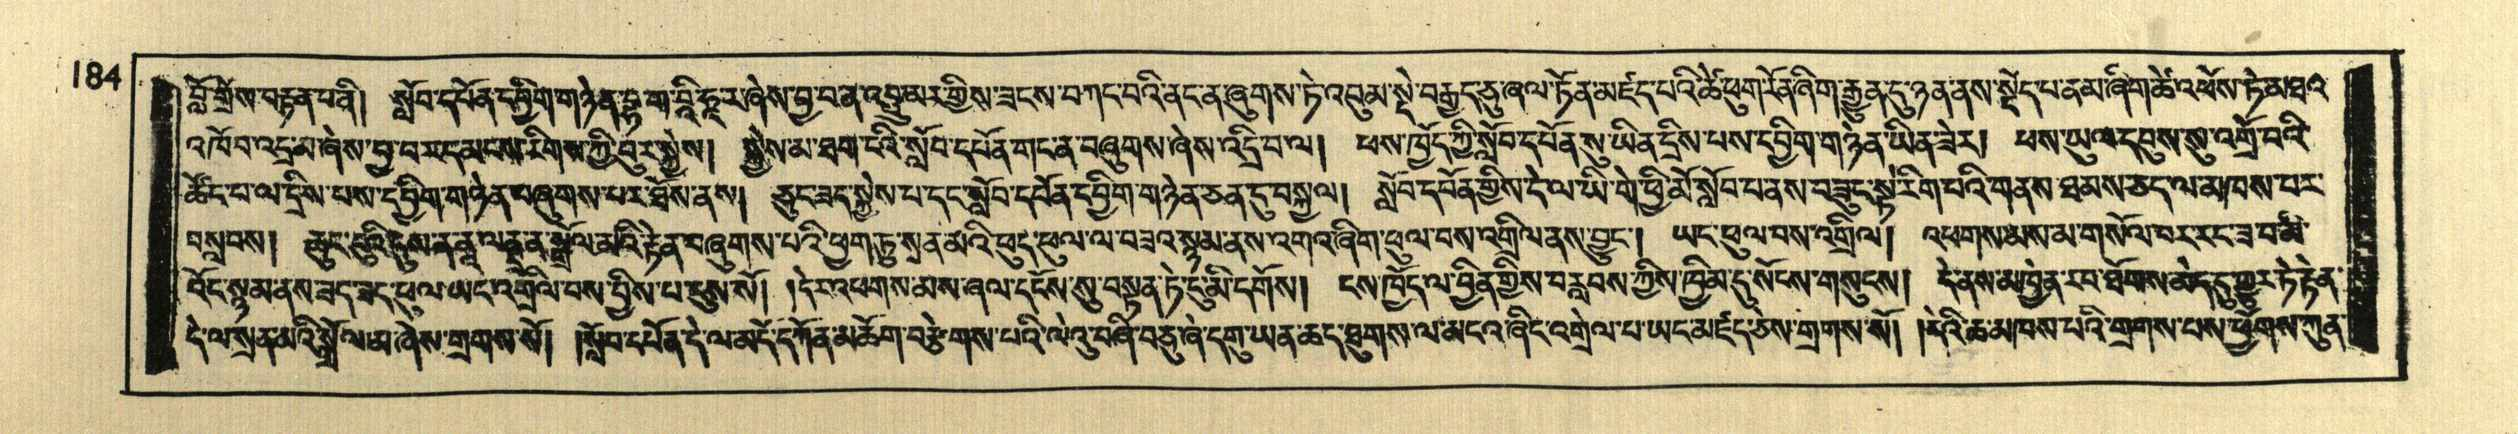བློ་གྲོས་བརྟན་པ་ནི། སློབ་དཔོན་དབྱིག་གཉེན་བྷ་ག་བཱི་ཧཱ་ར་ཞེས་བྱ་བ་ན་འབྲུ་མར་གྱིས་ཟངས་བཀང་བའི་ནང་ན་ཞུགས་ཏེ་འབུམ་སྡེ་བརྒྱད་ཅུ་ཞལ་ཏོན་མཛད་པའི་ཚེ་ཕུག་རོན་ཞིག་རྒྱུན་དུ་ཉན་ནས་སྡོད་པ་ནམ་ཞིག་ཚེ་འཕོས་ཏེ་མཐའ་
འཁོབ་འདྲ་མ་ཞེས་བྱ་བར་དམངས་རིགས་ཀྱི་བུར་སྐྱེས། སྐྱེས་མ་ཐག་ངའི་སློབ་དཔོན་གང་ན་བཞུགས་ཞེས་འདྲི་བ་ལ། ཕས་ཁྱོད་ཀྱི་སློབ་དཔོན་སུ་ཡིན་དྲིས་པས་དབྱིག་གཉེན་ཡིན་ཟེར། ཕས་ཡུལ་དབུས་སུ་འགྲོ་བའི་
ཚོང་པ་ལ་དྲིས་པས་དབྱིག་གཉེན་བཞུགས་པར་ཐོས་ནས། ཅུང་ཟད་སྐྱེས་པ་དང་སློབ་དཔོན་དབྱིག་གཉེན་ཅན་དུ་བསྐྱལ། སློབ་དཔོན་གྱིས་དེ་ལ་ཡི་གེ་ཕྱི་མོ་སློབ་པ་ནས་བཟུང་སྟེ་རིག་བའི་གནས་ཐམས་ཅད་ལ་མཁས་པར་
བསླབས། ཆུང་ངུའི་དུས་ན་ནཱ་ལནྡྲ་ན་སྒྲོལ་མའི་རྟེན་བཞུགས་པའི་ཕྱག་ཏུ་སྲན་མའི་ཕུད་ཕུལ་ལ་བཟའ་སྙམ་ནས་འགའ་ཞིག་ཕུལ་བས་འགྲིལ་ནས་བྱུང་། ཡང་ཕུལ་བས་འགྲིལ། འཕགས་མས་མ་གསོལ་བར་རང་ཟ་བ་མི་
བོང་སྙམ་ནས་ཟད་ཟད་ཕུལ་ཡང་འགྲིལ་བས་བྱིས་པ་དུས་སོ། །དེར་འཕགས་མས་ཞལ་དངོས་སུ་བསྟན་ཏེ་དུ་མི་དགོས། ངས་ཁྱོད་ལ་བྱིན་གྱིས་བརླབས་ཀྱིས་ཁྱིམ་དུ་སོངས་གསུངས། དེ་ནས་མཁྱེན་རབ་ཐོགས་མེད་དུ་གྱུར་ཏེ་རྟེན་
དེ་ལ་སྲན་མའི་སྒྲོལ་མ་ཞེས་གྲགས་སོ། །སློབ་དཔོན་དེ་ལ་མདོ་དཀོན་མཆོག་བརྩེགས་པའི་ལེའུ་བཞི་བཅུ་ཞེ་དགུ་ཡན་ཆད་ཐུགས་ལ་མངའ་ཞིང་འགྲེལ་པ་ཡང་མཛེད་ཅེས་གྲགས་སོ། །དེའི་ཆ་མཁས་པའི་གྲགས་པས་ཕྱོགས་ཀུན་